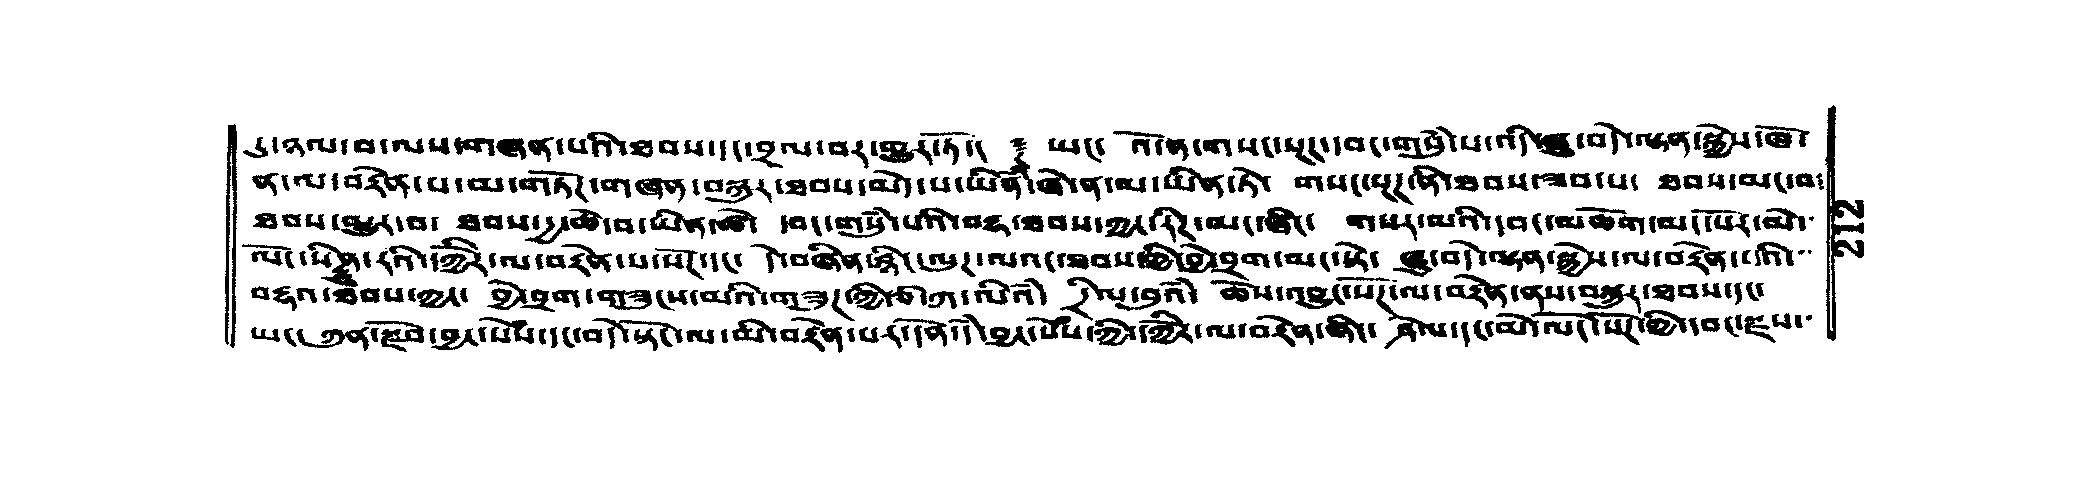དུ་ཉལ་བ་ལས་གཞན་པའི་ཐབས་དང་བྲལ་བར་གྱུར་ཏོ། ཡང་། འོ་ན་གསང་སྔགས་དབང་གསུམ་པ་འདི་ཞུ་བདེ་ལྷན་སྐྱེས་ཁོ་
ན་ལ་བརྟེན་པ་མ་གཏོགས་གཞན་བསྐུར་ཐབས་མེད་པ་ཡིན་ནམ་ཞེ་ན་མ་ཡིན་ཏེ།གསང་སྔགས་ནི་ཐབས་ཟབ་པ། ཐབས་མང་བ། 
ཐབས་མྱུར་བ། ཐབས་རྒྱ་ཆེ་བ་ཡིན་ཚེ། དབང་གསུམ་པའི་བརྡ་ཐབས་ཀྱང་རིགས་མང་ཞིང་། གསར་མའི་དབང་མཆོག་མང་པོར་མེ་
ལོང་སིནྡུུ་རའི་དཀྱིལ་འཁོར་ལ་བརྟེན་པ་སོགས་དང་། དེ་བཞིན་རྙིང་ལུགས་ལའང་ཐབས་ཀྱི་བྱེ་བྲག་མང་སྟེ། ཞུ་བདེ་ལྷན་སྐྱེས་ལ་བརྟེན་པའི་
བརྡ་ཐབས་ཀྱང་། བྱེ་བྲག་གཟུངས་མའི་གཟུགས་ཀྱི་ཙཀླིའམ། དྲིལ་བུའམ། ཆོས་འབྱུང་སོགས་ལ་བརྟེན་ནས་བསྐུར་ཐབས་དང་། 
ཡང་། ཀུན་རྫོབ་བྱང་སེམས་དང་བདེ་སྟོང་ལ་མི་བརྟེན་པར་དོན་དམ་བྱང་སེམས་ཀྱི་དཀྱིལ་འཁོར་ལ་བརྟེན་ཞིང་། ཤེལ་དང་མེ་ལོང་སོགས་ཀྱི་དབང་རྫས་